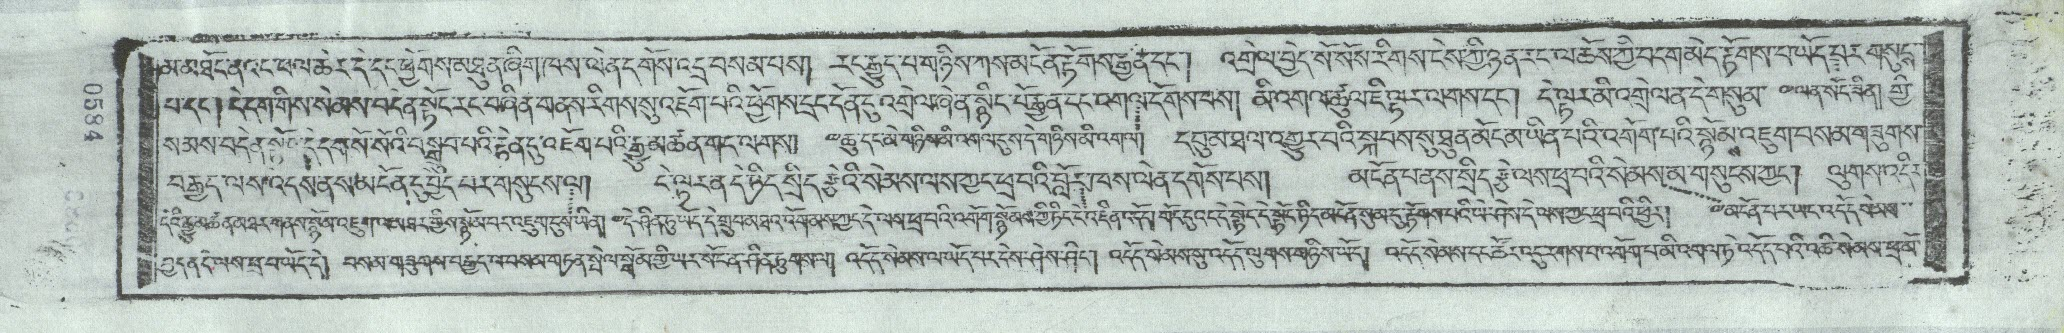མ་མཐོང་ནའང་ཕལ་ཆེར་དེ་དང་ཕྱོགས་མཐུན་ཞིག་ཁས་ལེན་དགོས་འདྲ་བསམ་པས། རང་རྒྱུད་པ་གཉིས་ཀས་མངོན་རྟོགས་རྒྱན་དང་། འགྲེལ་བྱེད་སོ་སོས་རིགས་ངེས་ཀྱི་ཉན་རང་ལ་ཆོས་ཀྱི་བདག་མེད་རྟོགས་པ་ཡོད་པར་གསུངས་
པ་དང་། དེ་དག་གིས་སེམས་བདེན་སྟོང་རང་བཞིན་གནས་རིགས་སུ་འཇོག་པའི་ཕྱོགས་དྲང་དོན་དུ་འགྲེལ་ཞེ་ན་སྙིང་པོ་རྒྱན་དང་འགལ་དོགས་པས། མི་འགལ་ཚུལ་ཇི་ལྟར་ལགས་དང་། དེ་ལྟར་མི་འགྲེལ་ན་དེ་གསུམ་༧ལན་སོང་ཟིན།  གྱི་
སེམས་བདེན་སྟོང་དེ་དག་སོ་སོའི་བསྒྲུབ་པའི་རྟེན་དུ་འཇོག་པའི་རྒྱུ་མཚན་གང་ལགས། ༧ཆུ་དང་མེ་གཉིས་མི་འགལ་དུས་དེ་གཉིས་མི་འགལ།  དབུ་མ་ཐལ་འགྱུར་བའི་སྐབས་སུ་ཐུན་མོང་མ་ཡིན་པའི་འགོག་པའི་སྙོམས་འཇུག་བསམ་གཟུགས་
བརྒྱད་ལས་འདས་ནས་མངོན་དུ་བྱེད་པར་གསུངས་ལ། དེ་ལྟར་ན་དེ་ཉིད་སྲིད་རྩེའི་སེམས་ལས་ཀྱང་ཕྲ་བའི་བློར་ཁས་ལེན་དགོས་པས། མངོན་པ་ནས་སྲིད་རྩེ་ལས་ཕྲ་བའི་སེམས་མ་གསུངས་ཀྱང་། ལུགས་འདིར་
དེའི་རྒྱུ་མཚན་མཐར་གནས་སྙོམ་འཇུག་ལ་མཐར་གྱིས་སྙོམ་པར་འཇུག་དུས་ཡིན། ༧དེ་ཤིན་ཏུ་ཡོད་དེ་གྲུབ་མཐའ་འོག་མས་ཀྱང་དེ་ལས་ཕྲ་བའི་འགོག་སྙོམས་ཀྱི་ཏིང་ངེ་འཛིན་འདོད། གོང་དུའང་དེ་སྟེང་དེ་སྟོང་ཉིད་མངོན་སུམ་དུ་རྟོགས་པའི་ཡེ་ཤེས་དེ་ལས་ཀྱང་ཕྲ་བའི་ཕྱིར། ༧མངོན་པར་ཡང་འདོད་སེམས་
བྱེད་ན་དེ་ལས་ཕྲ་བ་ཡོད་དེ། བསམ་གཟུགས་བརྒྱད་ལ་བསམ་གཏན་སྤེལ་སྒོམ་གྱི་ཡར་སོང་ན་ཤིན་ཏུ་གསལ། འདོད་སེམས་ལ་ཡོད་པར་ངེས་ཤེས་ཤིང་། འདོད་སེམས་སུ་འདོད་ལུགས་གཉིས་ཡོད། འདོད་སེམས་དང་ཚོར་འདུ་རགས་པ་འགོག་པ་མི་འགལ་ཏེ་འདོད་པའི་འཆི་སེམས་ཕྲ་མོ